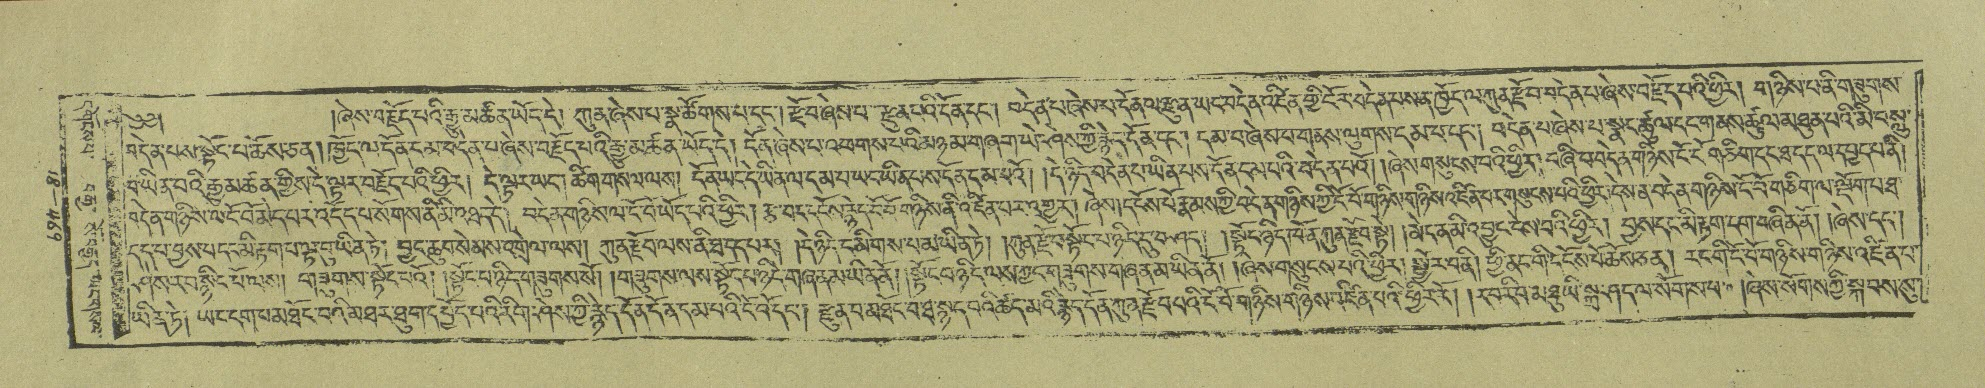༄༅། །ཞེས་བརྗོད་པའི་རྒྱུ་མཚན་ཡོད་དེ། ཀུན་ཞེས་པ་སྣ་ཚོགས་པ་དང་། རྫོབ་ཞེས་པ་རྫུན་པའི་དོན་དང་། བདེན་པ་ཞེས་པ་དོན་ལ་རྫུན་ཡང་བདེན་འཛིན་གྱི་ངོར་བདེན་པས་ན་ཁྱོད་ལ་ཀུན་རྫོབ་བདེན་པ་ཞེས་བརྗོད་པའི་ཕྱིར། གཉིས་པ་ནི་གཟུགས་
བདེན་པས་སྟོང་པ་ཆོས་ཅན། ཁྱོད་ལ་དོན་དམ་བདེན་པ་ཞེས་བརྗོད་པའི་རྒྱུ་མཚན་ཡོད་དེ། དོན་ཞེས་པ་འཕགས་པའི་མཉམ་གཞག་ཡེ་ཤེས་ཀྱི་རྙེད་དོན་དང་། དམ་པ་ཞེས་པ་གནས་ལུགས་དམ་པ་དང་། བདེན་པ་ཞེས་པ་སྣང་ཚུལ་དང་གནས་ཚུལ་མཐུན་པའི་མི་བསླུ་
བ་ཡིན་པའི་རྒྱུ་མཚན་གྱིས་དེ་ལྟར་བརྗོད་པའི་ཕྱིར། དེ་ལྟར་ཡང་། ཚིག་གསལ་ལས། དོན་ཡང་དེ་ཡིན་ལ་དམ་པ་ཡང་ཡིན་པས་དོན་དམ་པའོ། །དེ་ཉིད་བདེན་པ་ཡིན་པས་དོན་དམ་པའི་བདེན་པའོ། །ཞེས་གསུངས་པའི་ཕྱིར། བཞི་བ་བདེན་གཉིས་ངོ་བོ་གཅིག་དང་ཐ་དད་ལ་དཔྱད་པ་ནི།
བདེན་གཉིས་ལ་ངོ་བོ་མེད་པར་འདོད་པ་སོགས་ནི་མི་འཐད་དེ། བདེན་གཉིས་ལ་ངོ་བོ་ཡོད་པའི་ཕྱིར། རྩ་བར་དངོས་རྙེད་ངོ་བོ་གཉིས་ནི་འཛིན་པར་འགྱུར། ཞེས། དངོས་པོ་རྣམས་ཀྱི་བདེན་གཉིས་ཀྱི་ངོ་བོ་གཉིས་གཉིས་འཛིན་པར་གསུངས་པའི་ཕྱིར། དེས་ན་བདེན་གཉིས་ངོ་བོ་གཅིག་ལ་ལྡོག་པ་ཐ་
དད་པ་བྱས་པ་དང་མི་རྟག་པ་ལྟ་བུ་ཡིན་ཏེ། བྱང་ཆུབ་སེམས་འགྲེལ་ལས། ཀུན་རྫོབ་ལས་ནི་ཐ་དད་པར། །དེ་ཉིད་དམིགས་པ་མ་ཡིན་ཏེ། །ཀུན་རྫོབ་སྟོང་པ་ཉིད་དུ་བཤད། །སྟོང་ཉིད་ཁོ་ན་ཀུན་རྫོབ་སྟེ། །མེད་ན་མི་འབྱུང་ངེས་པའི་ཕྱིར། བྱས་དང་མི་རྟག་དག་བཞིན་ནོ། །ཞེས་དང་།
ཤེས་རབ་སྙིང་པོ་ལས། གཟུགས་སྟོང་པའོ། །སྟོང་པ་ཉིད་གཟུགས་སོ། །གཟུགས་ལས་སྟོང་པ་ཉིད་གཞན་མ་ཡིན་ནོ། །སྟོང་པ་ཉིད་ལས་ཀྱང་གཟུགས་གཞན་མ་ཡིན་ནོ། །ཞེས་གསུངས་པའི་ཕྱིར། སྦྱོར་བ་ནི། ཕྱི་ནང་གི་དངོས་པོ་ཆོས་ཅན། རང་གི་ངོ་བོ་གཉིས་གཉིས་འཛིན་པ་
ཡིན་ཏེ། ཡང་དག་པ་མཐོང་བའི་མཐར་ཐུག་དཔྱོད་པའི་རིག་ཤེས་ཀྱི་རྙེད་དོན་དོན་དམ་པའི་ངོ་བོ་དང་། རྫུན་པ་མཐོང་བ་ཐ་སྙད་པའི་ཚད་མའི་རྙེད་དོན་ཀུན་རྫོབ་པའི་ངོ་བོ་གཉིས་གཉིས་འཛིན་པའི་ཕྱིར་རོ། །རབ་རིབ་མཐུའི་སྐྲ་ཤད་ལ་སོགས་པ། །ཞེས་སོགས་ཀྱི་སྐབས་སུ་